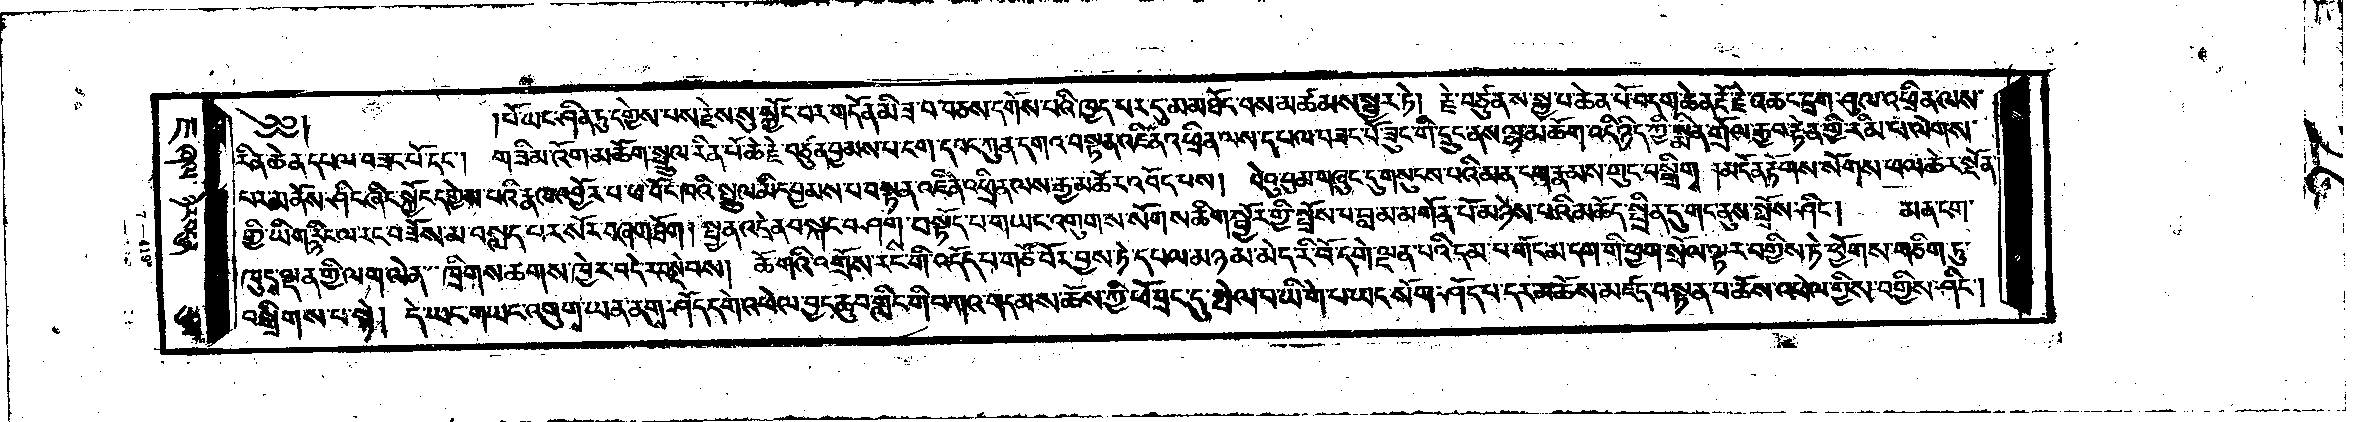༄༅། །པོ་ཡང་ཤིན་ཏུ་དགྱེས་པས་རྗེས་སུ་སྐྱོང་བར་གདོན་མི་ཟ་བ་བཅས་དགོས་པའི་ཁྱད་པར་དུ་མ་མཐོང་བས་མཚམས་སྦྱར་ཏེ། རྗེ་བཙུན་ས་སྐྱ་པ་ཆེན་པོ་བདག་ཆེན་རྡོ་རྗེ་འཆང་དྲག་ཤུལ་འཕྲིན་ལས་
རིན་ཆེན་དཔལ་བཟང་པོ་དང་། གཟིམ་འོག་མཆོག་སྤྲུལ་རིན་པོ་ཆེ་རྗེ་བཙུན་བྱམས་པ་ངག་དབང་ཀུན་དགའ་བསྟན་འཛིན་འཕྲིན་ལས་དཔལ་བཟང་པོ་ཟུང་གི་དྲུང་ནས་ལྷ་མཆོག་འདི་ཉིད་ཀྱི་སྨིན་གྲོལ་རྒྱབ་རྟེན་གྱི་རིམ་པ་ལེགས་
པར་མནོས་ཤིང་ཞིང་སྐྱོང་དགྱེས་པའི་རྣལ་འབྱོར་པ་ཕ་བོང་ཁའི་སྤྲུལ་མིང་བྱམས་པ་བསྟན་འཛིན་འཕྲིན་ལས་རྒྱ་མཚོར་འབོད་པས། བེའུ་བུམ་གཞུང་དུ་གསུངས་པའི་མན་ངག་རྣམས་གུང་བསྒྲིགས་།མངོན་རྟོགས་སོགས་ཕལ་ཆེར་སྔོན་
གྱི་ཡིག་རྙིང་ལ་རང་བཟོས་མ་བསླད་པར་སོར་བཞག་ཐོག །སྤྱན་འདྲེན་བསྐང་བཤགས་བསྟོད་པ་གཡང་འགུགས་སོགས་ཚིག་སྦྱོར་གྱི་སྤྲོས་པ་བླ་མ་མགོན་པོ་མཉེས་པའི་མཆོད་སྤྲིན་དུ་གང་ནུས་སྤྲོས་ཤིང་། མན་ངག་
ཁུངས་ལྡན་གྱི་ལག་ལེན་ཁྲིགས་ཆགས་ཁྱེར་བདེར་བསྡེབས། ཆོ་གའི་འགྲོས་རང་གི་འདོད་པ་གཙོ་བོར་བྱས་ཏེ་དཔལ་མཉམ་མེད་རི་བོ་དགེ་ལྡན་པའི་དམ་པ་གོང་མ་དག་གི་ཕྱག་སྲོལ་ལྟར་བགྱིས་ཏེ་ཕྱོགས་གཅིག་ཏུ་
བསྒྲིགས་པ་སྟེ། དེ་ཡང་གཡང་འགུགས་ཡན་ནགས་ཤོད་དགེ་འཕེལ་བྱང་ཆུབ་གླིང་གི་བཀའ་གདམས་ཆོས་ཀྱི་ཕོ་བྲང་དུ་སྤེལ་བ་ཡི་གེ་པ་ཡང་སོག་ཤོད་པ་དར་མ་ཆོས་མཛད་བསྟན་པ་ཆོས་འཕེལ་གྱིས་བགྱིས་ཤིང་།